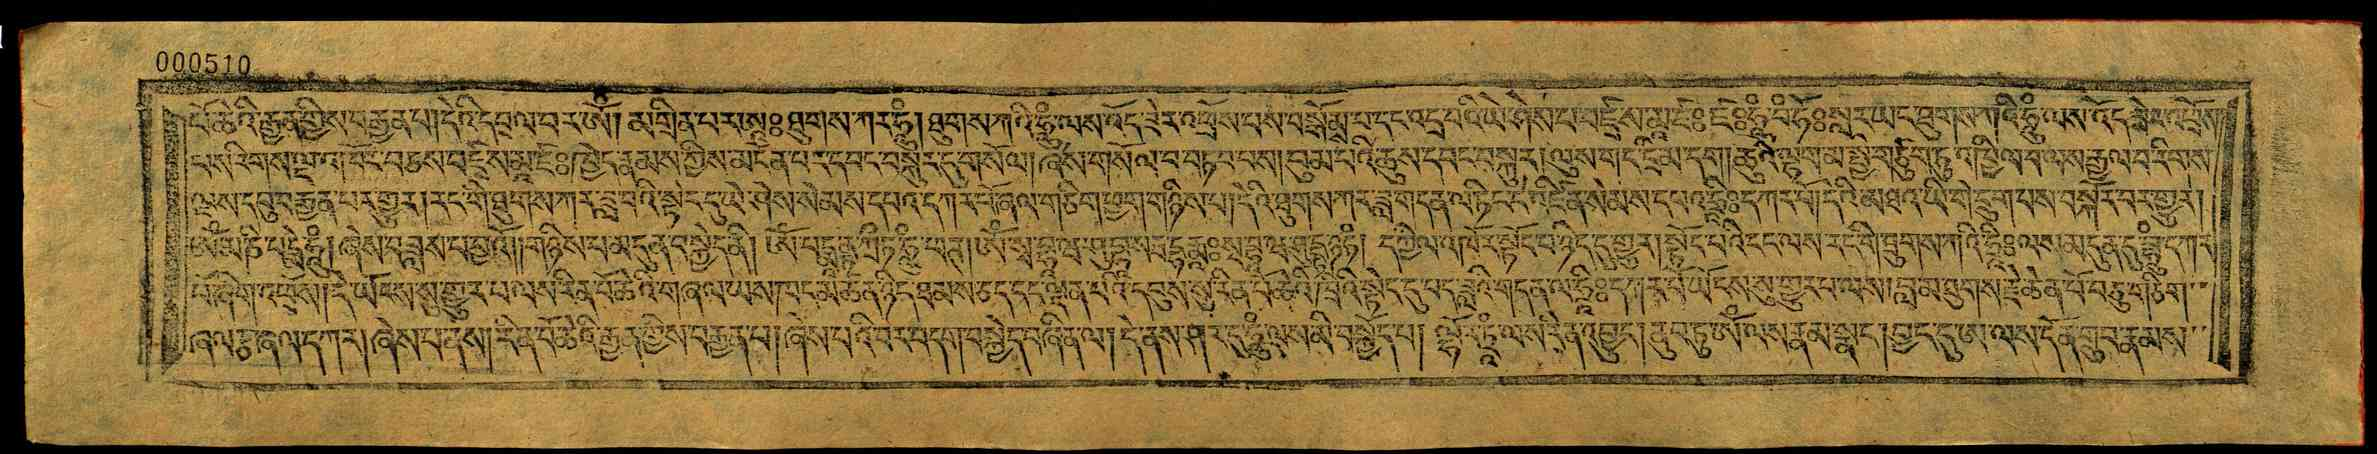པོ་ཆེའི་རྒྱན་གྱིས་བརྒྱན་པ། དེའི་དཔྲལ་བར་ཨོཾ། མགྲིན་པར་ཨཱཿ ཐུགས་ཀར་ཧཱུཾ། ཐུགས་ཀའི་ཧཱུཾ་ལས་འོད་ཟེར་འཕྲོས་པས་བསྒོམ་པ་དང་འདྲ་བའི་ཡེ་ཤས་པ་བཛྲས་མཱ་ཛཿ ཛཿ ཧཾ་བཾ་ཧོཿ སླར་པར་ཐུགས་ཀའི་ཧཱུཾ་ལས་འོད་ཟེར་འཕྲོས་
པས་རིགས་ལྔ་འཁོར་བཅས་བཛྲས་མཱ་ཛཿ ཁྱེད་རྣམས་ཀྱིས་མངོན་པར་དབང་བསྐུར་དུ་གསོལ། ཞེས་གསོལ་བ་བཏབ་པས། བུམ་པའི་ཆུས་དབང་བསྐུར། ལུས་གང་དྲི་མ་དག །ཚུའ་ལྷག་མ་སྤྱི་གཙུག་ཏུ་འཁྱིལ་བ་ལས་རྒྱལ་བ་རིགས་
ལྔས་དབུ་བརྒྱན་པར་གྱུར། རང་གི་ཐུགས་ཀར་ཟླ་བའི་སྟེང་དུ་ཡེ་ཤེས་སེམས་དཔའ་དཀར་པོ་ཞལ་གཅིག་ཕྱག་གཉིས་པ། དེའི་ཐུགས་ཀར་ཟླ་གདན་ལ་ཏིང་ངེ་འཛིན་སེམས་དཔའ་ཧྲཱིཿ དཀར་པོ། དའི་མཐའ་ཡི་གེ་དྲུག་པས་བསྐོར་བར་གྱུར།
ཨོཾ་མ་ཎི་པདམ་ཧཱུཾ། ཞེས་བཟླས་པ་བྱའོ། །གཉིས་པ་མདུན་བསྐྱེད་ནི། ཨོཾ་པདམཱནྟ་ཀྲྀཏ་ཧཱུཾ་ཕཊ། ཨོཾ་སྭྲ་བྷཱ་ཝ་ཤུདྡྷ་སརྦ་དྷརྨཱཿ སྭ་བྷཱ་ཝ་ཤུ་དྡྷ་ཉཧཾ། དཀྱིལ་འཁོར་སྟོང་པ་ཉིད་དུ་གྱུར། སྟོང་པའི་ངང་ལས་རང་གི་ཐུགས་ཀའི་ཧྲཱིཿ ལས་མདུན་དུ་བྷྲུཾ་དཀར་
པོ་ཞིག་འཕྲོས། དེ་ཡོངས་སུ་གྱུར་པ་ལས་རིན་པོ་ཆེའི་གཞལ་ཡས་ཁང་མཚན་ཉིད་ཐམས་ཅད་དང་ལྡན་པའི་དབུས་སུ་རིན་པོ་ཆེའི་ཁྲའི་སྟེང་དུ་པད་ཟླའི་གདན་ལ་ཧྲཱིཿ དཀར་པོ་ཡོངས་སུ་གྱུར་པ་ལས། བླ་མ་ཐུགས་རྗེ་ཆེན་པོ་བཅུ་གཅིག་
ཞལ་རྩ་ཞལ་དཀར། ཞེས་པ་ནས། རིན་པོ་ཆེའི་རྒྱན་གྱིས་བརྒྱན་པ། ཞེས་པའི་བར་བདག་བསྐྱེད་བཞིན་ལ། དེ་ནས་ཤར་དུ་ཧཱུཾ་ལས་མི་བསྐྱོད་པ། ལྷོར་ཏྲཱཾ་ལས་རིན་འབྱུང་། ནུབ་ཏུ་ཨོཾ་ལས་རྣམ་སྣང་། བྱང་དུ་ཨ་ལས་དོན་གྲུབ་རྣམས་